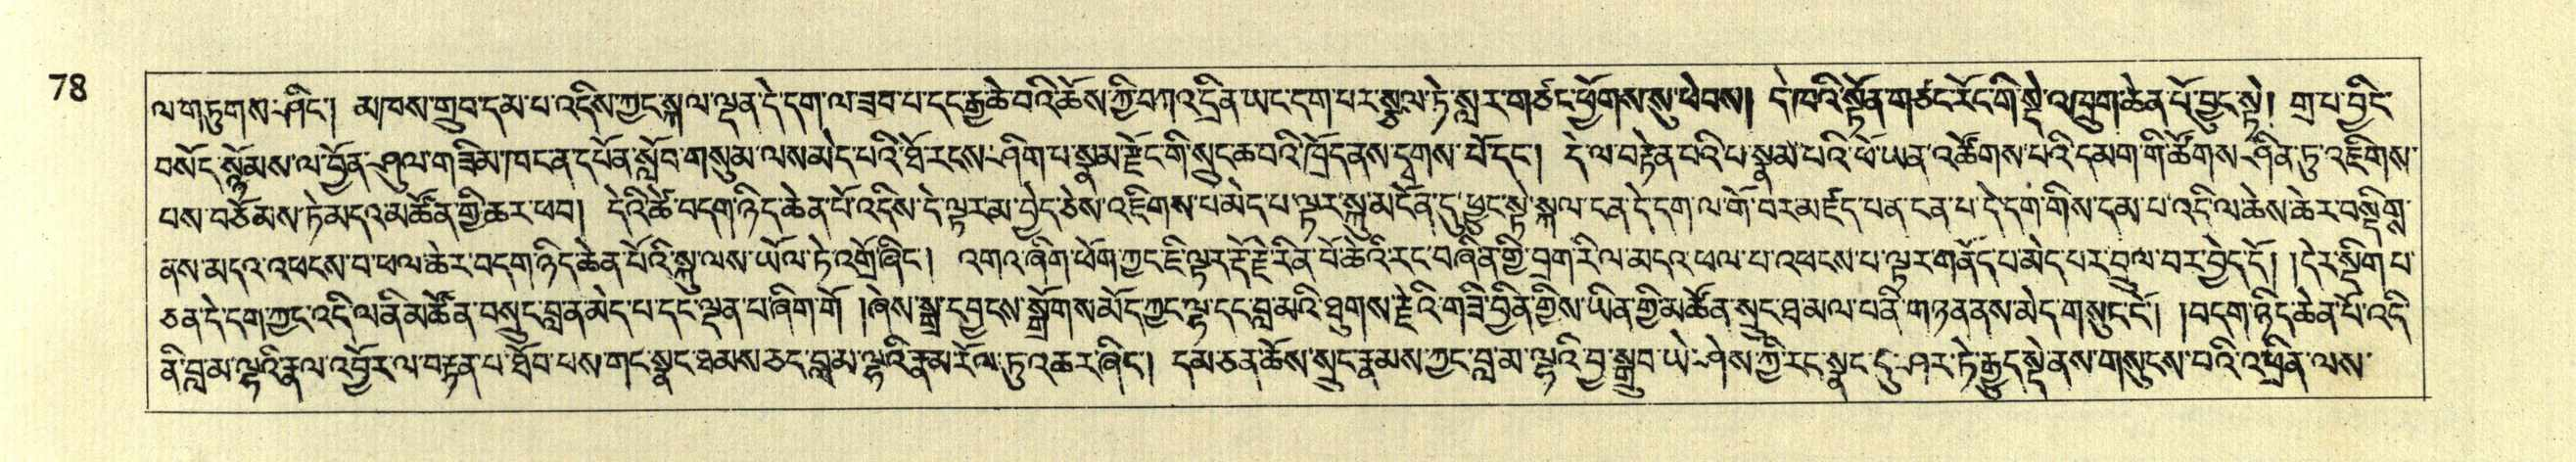ལ་གཏུགས་ཤིང་། མཁས་གྲུབ་དམ་པ་འདིས་ཀྱང་སྐལ་ལྡན་དེ་དག་ལ་ཟབ་པ་དང་རྒྱ་ཆེ་བའི་ཆོས་ཀྱི་བཀའ་དྲིན་ཡང་དག་པར་སྩལ་ཏེ་སླར་གཙང་ཕྱོགས་སུ་ཕེབས། དེ་ཁའི་སྟོན་གཙང་རོང་གི་སྡེ་འཁྲུག་ཆེན་པོ་བྱུང་སྟེ། གྲ་པ་བྱིང་
བསོད་སྙོམས་ལ་བྱོན་ཤུལ་གཟིམ་ཁང་ན་དཔོན་སློབ་གསུམ་ལས་མེད་པའི་ཐོ་རངས་ཤིག་པ་སྣམ་རྫོང་གི་སྲུང་ཆ་བའི་ཁྲོད་ནས་དྭགས་པོ་དང་། དེ་ལ་བརྟེན་པའི་པ་སྣམ་པའི་ཕོ་ཡན་འཚོགས་པའི་དམག་གི་ཚོགས་ཤིན་ཏུ་འཇིགས་
པས་བཅོམས་ཏེ་མདའ་མཚོན་གྱི་ཆར་ཕབ། དེའི་ཚེ་བདག་ཉིད་ཆེན་པོ་འདིས་དེ་ལྟར་མ་བྱེད་ཅེས་འཇིགས་པ་མེད་པ་ལྟར་སྐུ་མངོན་དུ་ཕྱུང་སྟེ་སྐལ་ངན་དེ་དག་ལ་གོ་བར་མཛད་པ་ན་ངན་པ་དེ་དག་གིས་དམ་པ་འདི་ལ་ཆེས་ཆེར་བསྡིགས་
ནས་མདའ་འཕངས་བ་ཕལ་ཆེར་བདག་ཉིད་ཆེན་པོའི་སྐུ་ལས་ཡོལ་ཏེ་འགྲོ་ཞིང་། འགའ་ཞིག་ཕོག་ཀྱང་ཇི་ལྟར་རྡོ་རྗེ་རིན་པོ་ཆེའི་རང་བཞིན་གྱི་བྲག་རིལ་མདའ་ཕལ་པ་འཕངས་པ་ལྟར་གནོད་པ་མེད་པར་བྲུལ་བར་བྱེད་དོ། །དེར་སྡིག་པ་
ཅན་དེ་དག་ཀྱང་འདི་ལ་ནི་མཚོན་བསྲུང་བླ་ན་མེད་པ་དང་ལྡན་པ་ཞིག་གོ །ཞེས་སྒྲ་དབྱངས་སྒྲོགས་མོད་ཀྱང་ལྷ་དང་བླ་མའི་ཐུགས་རྗེའི་གཟི་བྱིན་ཡིན་གྱི་མཚོན་སྲུང་ཐ་མལ་པ་ནི་གཉན་ནས་མེད་གསུང་ངོ། །བདག་ཉིད་ཆེན་པོ་འདི་
ནི་བླ་མ་ལྷའི་རྣལ་འབྱོར་ལ་བརྟན་པ་ཐོབ་པས་གང་སྣང་ཐམས་ཅད་བླ་མ་ལྷའི་རྣམ་རོལ་ཏུ་འཆར་ཞིང་། དམ་ཅན་ཆོས་སྲུང་རྣམས་ཀྱང་བླ་མ་ལྷའི་བྱ་སྒྲུབ་ཡེ་ཤེས་ཀྱི་རང་སྣང་དུ་ཤར་ཏེ་རྒྱུད་སྡེ་ནས་གསུངས་བའི་འཕྲིན་ལས་